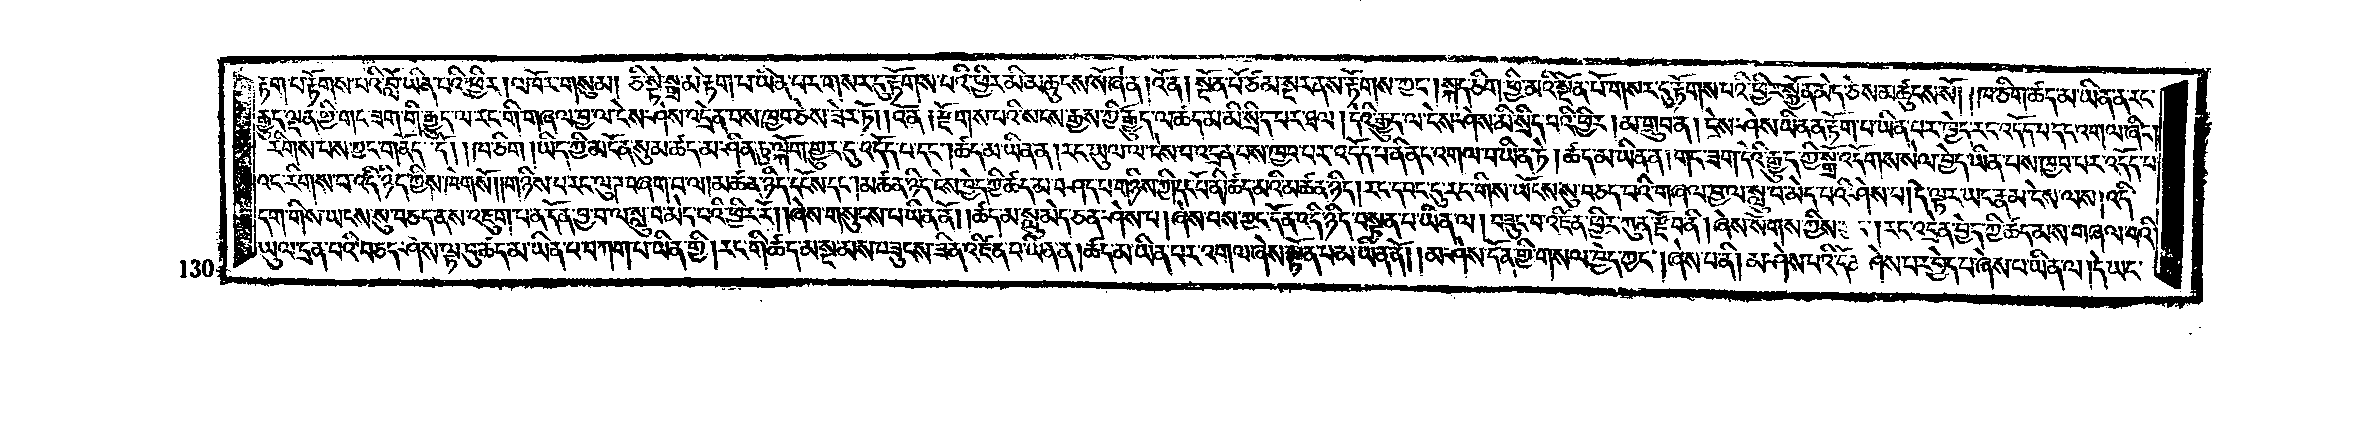རྟག་པ་རྟོགས་པའི་བློ་ཡིན་པའི་ཕྱིར། འཁོར་གསུམ། ཅི་སྟེ་སྒྲ་མི་རྟག་པ་ཡིན་པར་གསར་དུ་རྟོགས་པའི་ཕྱིར་མི་མཚུངས་སོ་ཞེ་ན། འོ་ན༑ སྔོན་པོ་ཙམ་སྔར་ནས་རྟོགས་ཀྱང་། སྐད་ཅིག་ཕྱི་མའི་སྔོན་པོ་གསར་དུ་རྟོགས་པའི་ཕྱིར་སྐྱོན་མེད་ཅེས་མཚུངས་སོ། །ཁ་ཅིག་ཚད་མ་ཡིན་ན་རང་
རྒྱུད་ལྡན་གྱི་གང་ཟག་གི་རྒྱུད་ལ་རང་གི་གཞལ་བྱ་ལ་ངེས་ཤེས་འདྲེན་པས་ཁྱབ་ཅེས་ཟེར་ཏོ། །འོ་ན༑ རྫོགས་པའི་སངས་རྒྱས་ཀྱི་རྒྱུད་ལ་ཚད་མ་མི་སྲིད་པར་ཐལ། དེའི་རྒྱུད་ལ་ངེས་ཤེས་མི་སྲིད་པའི་ཕྱིར། མ་གྲུབ་ན། ངེས་ཤེས་ཡིན་ན་རྟོག་པ་ཡིན་པར་ཁྱེད་རང་འདོད་པ་དང་འགལ་ཞིང་
རིགས་པས་ཀྱང་གནོད་དོ། །ཁ་ཅིག །ཡིད་ཀྱི་མངོན་སུམ་ཚད་མ་ཤིན་ཏུ་ལྐོག་གྱུར་དུ་འདོད་པ་དང་། ཚད་མ་ཡིན་ན། རང་ཡུལ་ལ་ངེས་པ་འདྲན་པས་ཁྱབ་པར་འདོད་པ་ནི་ནང་འགལ་བ་ཡིན་ཏེ། ཚད་མ་ཡིན་ན། གང་ཟག་དེའི་རྒྱུད་ཀྱི་སྒྲོ་འདོགས་སེལ་བྱེད་ཡིན་པས་ཁྱབ་པར་འདོད་པ་
འང་རིགས་པ་འདི་ཉིད་ཀྱིས་ཁེགས་སོ། །གཉིས་པ་རང་ལུགས་བཞག་པ་ལ། མཚན་ཉིད་དངོས་དང་། མཚན་ཉིད་ངེས་བྱེད་ཀྱི་ཚད་མ་བཤད་པ་གཉིས་ཀྱི། དང་པོ་ནི། ཚད་མའི་མཚན་ཉིད། རང་དབང་དུ་རང་གིས་ཡོངས་སུ་བཅད་པའི་གཞལ་བྱ་ལ་སླུ་བ་མེད་པའི་ཤེས་པ། དེ་ལྟར་ཡང་རྣམ་ངེས་ལས། འདི་
དག་གིས་ཡངས་སུ་བཅད་ནས་འཇུག་པ་ན་དོན་བྱ་བ་ལ་སླུ་བ་མེད་པའི་ཕྱིར་རོ། །ཞེས་གསུངས་པ་ཡིན་ནོ། །ཚད་མ་སླུ་མེད་ཅན་ཤེས་པ། ཞེས་པས་ཀྱང་དོན་འདི་ཉིད་བསྟན་པ་ཡིན་ལ། བཟུང་བ་འཛིན་ཕྱིར་ཀུན་རྫོབ་ནི། ཞེས་སོགས་ཀྱིས་ཀྱང་། རང་འདྲེན་བྱེད་ཀྱི་ཚད་མས་གཞལ་བའི་
ཡུལ་དྲན་པའི་བཅད་ཤེས་ལྟ་བུ་ཚད་མ་ཡིན་པ་བཀག་པ་ཡིན་གྱི། རང་གི་ཚད་མ་སྔ་མས་བཟུངས་ཟིན་འཛིན་པ་ཡིན་ན། ཚད་མ་ཡིན་པར་འགལ་ཞེས་སྟོན་པ་མ་ཡིན་ནོ། །མ་ཤེས་དོན་གྱི་གསལ་བྱེད་ཀྱང་། ཞེས་པ་ནི། མ་ཤེས་པའི་དོན་ཤེས་པར་བྱེད་པ་ཞེས་པ་ཡིན་ལ། དེ་ཡང་